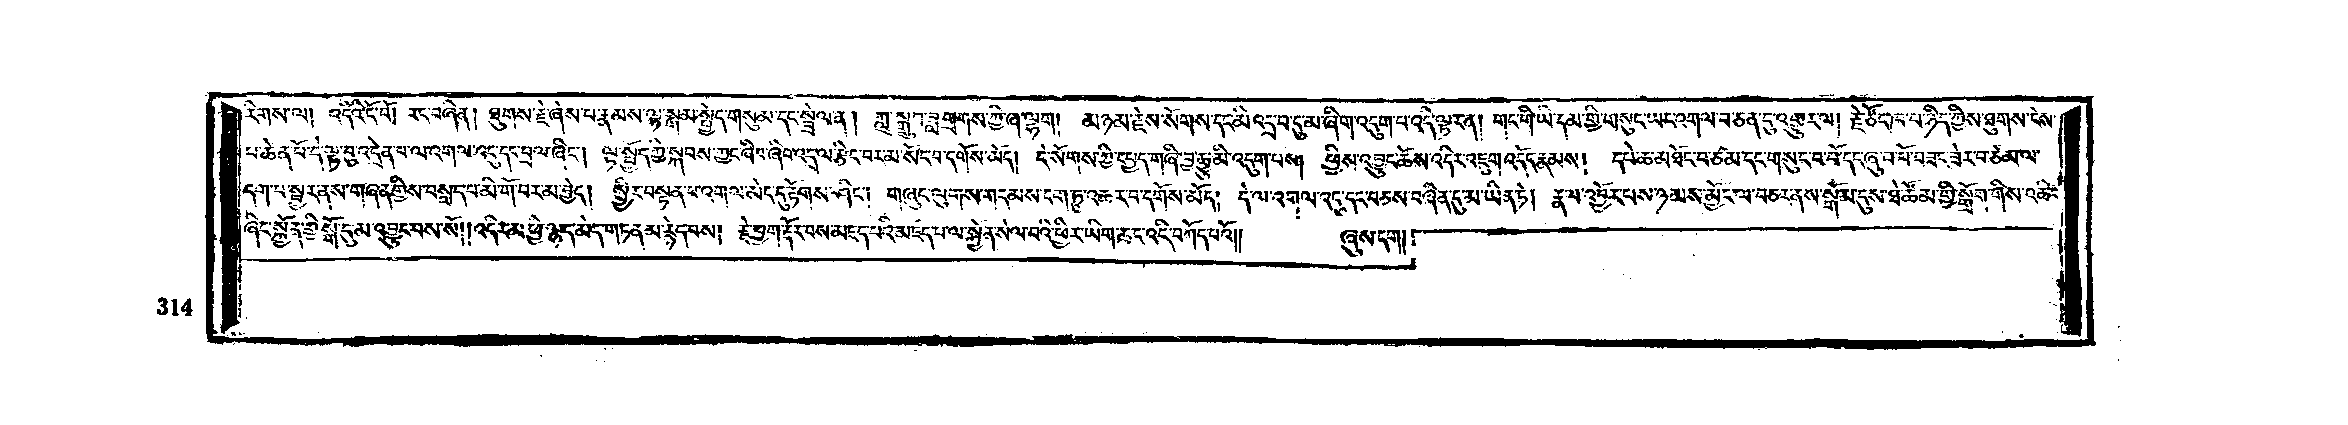རིགས་ལ། འདིའི་ངོ་བོ། རང་བཞིན། ཐུགས་རྗེ་ཞེས་པ་རྣམས་ལྟ་སྒམ་སྤྱེད་གསུམ་དང་སྦྲེལ་ན། ཀླུ་སྒྲུབ་ཟླ་གྲགས་ཀྱི་ཞ་ལྷག། མཉམ་རྗེས་སོགས་དང་མི་འདྲ་བ་དུ་མ་ཞིག་འདུག་པ་འདི་ལྟར་ན། གང་གི་ཡི་དམ་གྱི་གསུང་ཡང་འགལ་བ་ཅན་དུ་འགྱུར་ལ། རྗེ་ཙོང་ཁ་པ་ཉིད་ཀྱིས་ཐུགས་ངེས་
པ་ཆེན་པོ་དེ་ལྟ་བུ་འདྲེན་པ་ལ་འགལ་འདུ་དང་བྲལ་ཞིང་། ལྟ་སྤྱོད་ཀྱི་སྐབས་ཀྱང་ཞིབ་ཞིབ་འདྲ་ལ་རྩིང་བར་མ་སོང་བ་དགོས་ཡོད། དེ་སོགས་ཀྱི་དཔྱད་གཞི་བྱ་རྒྱུ་མི་འདུག་པས། ཕྱིས་འབྱུང་ཆོས་འདིར་འཇུག་འདོད་རྣམས། དཔེ་ཆ་མཐོང་བ་ཙམ་དང་གསུང་བ་པོ་དང་ཞུ་བ་པོ་བཟང་ཟེར་བ་ཙམ་ལ་
དག་པ་སྦྱར་ནས་གཞན་གྱིས་བསླད་པ་མི་གོ་བར་མ་བྱེད། སྤྱིར་བསྟན་པ་འགལ་མེད་དུ་རྟོགས་ཤིང་། གཞུང་ལུགས་གདམས་ངག་ཏུ་འཆར་བ་དགོས་མོད། དེ་ལ་འགལ་འདུ་དང་བཅས་བཞིན་དུ་མ་ཡིན་ཏེ། རྣལ་འབྱོར་པས་ཉམས་མྱོང་ལ་བཅར་ནས་སྒོམ་དུས་ཐེ་ཚོམ་གྱི་སྒྲོག་གིས་འཆིད་?
ཞིང་སྐྱོན་གྱི་སྒོ་དུ་མ་འབྱུང་བས་སོ། །འདིར་མ་ཕྱི་ལྷད་མེད་གཏན་མ་རྙེད་པས། རྗེ་ཕྱག་རྡོར་བས་མཛད་པའི་མཛད་པ་ལ་སྐྱོན་སེལ་བའི་ཕྱིར་ཡིག་ཆ་ང་འདི་བཀོད་པའོ།། ཞུས་དག་